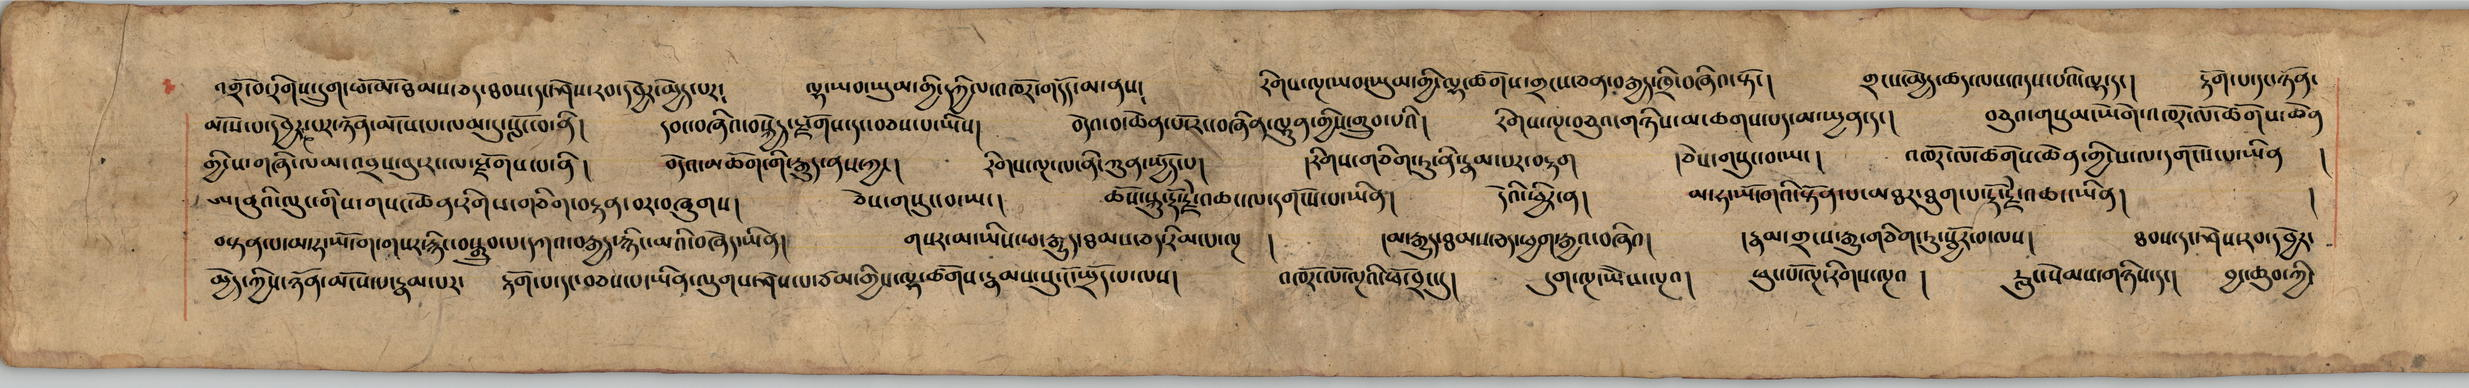འགྲོ་བ་རིགས་དྲུག་ཕོ་མོ་ཐམས་ཅད་དང་ཤེས་རབ་དབྱེར་མྱེད་པར། ལྷ་ཡབ་ཡུམ་གྱི་དཀྱིལ་འཁོར་གདོད་མ་ནས། རིགས་ལྔ་ཡབ་ཡུམ་གྱི་ལྷ་ཚོགས་གྲངས་ཅན་བརྒྱད་ཁྲི་བཞིའ་སྟོང། གྲངས་མྱེད་ཚད་ལས་འདས་པའི་ལྷ་དང། རྟོག་པ་དང་ཉོན་
མོངས་པ་དབྱེར་པར་ཉོན་མོངས་པ་ལམ་དུ་སློང་བ་ནི། དབང་བཞིའ་བསྐྱེད་སྫོགས་དང་བཅས་པ་ཡིས། བདེའ་བ་ཆེན་པོ་རང་བཞིན་ལྷུན་གྱིས་གྲུབ་པའི། རིགས་ལྔ་བཅུའ་གཉིས་མ་ཆགས་པད་མ་སྤྱན་དང། བཅུའ་གསུམ་ཡེགེ་འཁོར་ལོ་ཚོགས་ཆེན
གྱི་ས་གཞི་ལམ་འབྲས་བུ་རང་ལ་སྫོགས་པ་ནི། བདེའ་མཆོག་གི་རྒྱུད་ནས་ཀྱང། རིགས་ལྔ་ལ་ནི་ཀུན་སྤྱོད་པ། །རིགས་གཅིག་ཏུ་ནི་རྣམ་པར་བརྟག །ཅེས་གསུང་བ་ཡང། འཁོར་ལོ་ཚོགས་ཆེན་གྱི་ས་ལ་དགོངས་པ་ཡིན
ཨ་ནུའི་ལུང་གིས་གསང་ཆེན་རིགས་གཅིག་བརྟན་བར་བཞུགས། ཅེས་གསུང་བ་ཡང། ཆོས་སྐུ་རྡོ་རྗེ་འཆང་ལ་དགོངས་པ་ཡིན། དེའི་ཕྱིར་ན། མ་ཧ་ཡོ་གའི་སྟོན་པ་མཐར་ཐུག་པ་རྡོ་རྗེ་འཆང་ཡིན།
བསྟན་པ་མ་ཧ་ཡོ་ག་གསར་རྙིང་བསྒྲུབ་པ་དཀའ་བརྒྱད་རྙིང་མའི་བཞེད་ཡིན། གསར་མ་ཡིས་ཕ་རྒྱུད་ཐམས་ཅད་རིམ་པ་ལྔ ། །མ་རྒྱུད་ཐམས་ཅད་ཕྱག་རྒྱའ་བཞིའ། །རྣམ་གྲངས་རྒྱུ་གཅིག་ཏུ་སྦྱོར་བ་ལས། ཐབས་དང་ཤེས་རབ་དབྱེར་
མྱེད་ཀྱིས་ཉོན་མོངས་པ་རྣམ་པར་ རྟོག་པ་དང་བཅས་པ་ཡིན་ལུགས་ཤེས་པ་ཙམ་གྱིས་ལྷ་ཚོགས་རྣམས་སུ་སྤྲོད་པ་ལས། འཁོར་ལོ་ལྔའི་ཕོ་བྲང་དུ། དུག་ལྔ་ཡཻས་ལྔའ། ཕུང་པོ་ལྔ་རིགས་ལྔའ། རླུང་སེམས་གཉིས་དང། བྱང་ཆུབ་ཀྱི་